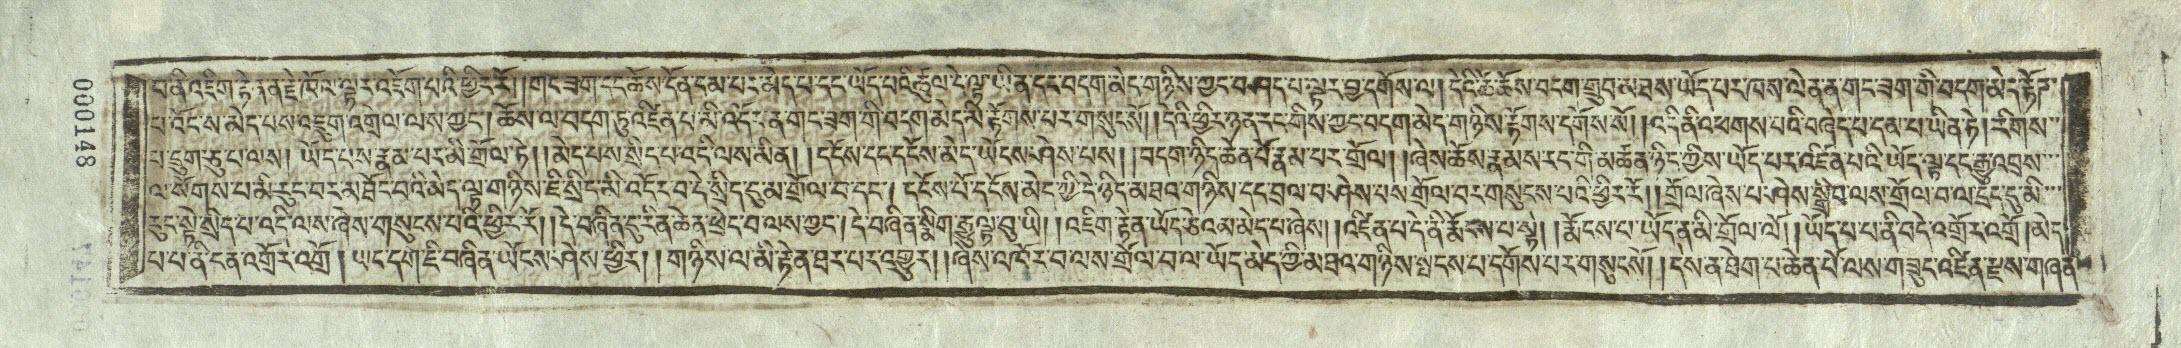བ་ནི་འཇིག་རྟེན་ན་རྗེ་ཁོལ་ལྟར་འཇོག་པའི་ཕྱིར་རོ། །གང་ཟག་དང་ཆོས་དོན་དམ་པར་མེད་པ་དང་ཡོད་པའི་ཚུལ་དེ་ལྟ་ཡིན་དང་བདག་མེད་གཉིས་ཀྱང་བཤད་པ་ལྟར་བྱ་དགོས་ལ། དེའི་ཚེ་ཆོས་བདག་གྲུབ་མཐས་ཡོད་པར་ཁས་ལེན་ན་གང་ཟག་གི་བདག་མེད་རྟོགས་
པ་འོང་ས་མེད་པས་འཇུག་འགྲེལ་ལས་ཀྱང་། ཆོས་ལ་བདག་ཏུ་འཛིན་པ་མི་འདོར་ན་གང་ཟག་གི་བདག་མེད་མི་རྟོགས་པར་གསུངས་སོ། །དེའི་ཕྱིར་ཉན་རང་གིས་ཀྱང་བདག་མེད་གཉིས་རྟོགས་དགོས་སོ། །འདི་ནི་འཕགས་པའི་བཞེད་པ་དམ་པ་ཡིན་ཏེ། རིགས་
པ་དྲུག་ཅུ་པ་ལས། ཡོད་པས་རྣམ་པར་མི་གྲོལ་ཏེ། །མེད་པས་སྲིད་པ་འདི་ལས་མིན། །དངོས་དང་དངོས་མེད་ཡོངས་ཤེས་པས། །བདག་ཉིད་ཆེན་པོ་རྣམ་པར་གྲོལ། །ཞེས་ཆོས་རྣམས་རང་གི་མཚན་ཉིད་ཀྱིས་ཡོད་པར་འཛིན་པའི་ཡོད་ལྟ་དང་རྒྱུ་འབྲས་
ལ་སོགས་པ་མི་རུང་བར་མཐོང་བའི་མེད་ལྟ་གཉིས་ཇི་སྲིད་མི་འདོར་བ་དེ་སྲིད་དུ་མ་གྲོལ་བ་དང་། དངོས་པོ་དངོས་མེད་ཀྱི་དེ་ཉིད་མཐའ་གཉིས་དང་བྲལ་བ་ཤེས་པས་གྲོལ་བར་གསུངས་པའི་ཕྱིར་རོ། །གྲོལ་ཞེས་པ་ཤེས་སྒྲིབ་ལས་གྲོལ་བ་ལ་དྲང་དུ་མི་
རུང་སྟེ་སྲིད་པ་འདི་ལས་ཞེས་གསུངས་པའི་ཕྱིར་རོ། །དེ་བཞིན་དུ་རིན་ཆེན་ཕྲེང་བ་ལས་ཀྱང་། དེ་བཞིན་སྨིག་རྒྱུ་ལྟ་བུ་ཡི། །འཇིག་རྟེན་ཡོད་ཅེའམ་མེད་པ་ཞེས། །འཛིན་པ་དེ་ནི་རྨོངས་པ་སྟེ། །རྨོངས་པ་ཡོད་ན་མི་གྲོལ་ལོ། །ཡོད་པ་པ་ནི་བདེ་འགྲོར་འགྲོ། མེད་
པ་པ་ནི་ངན་འགྲོར་འགྲོ། ཡང་དག་ཇི་བཞིན་ཡོངས་ཤེས་ཕྱིར། །གཉིས་ལ་མི་རྟེན་ཐར་པར་འགྱུར། །ཞེས་འཁོར་བ་ལས་གྲོལ་བ་ལ་ཡོད་མེད་ཀྱི་མཐའ་གཉིས་སྤངས་པ་དགོས་པར་གསུངས་སོ། །དེས་ན་ཐེག་པ་ཆེན་པོ་ལས་གཟུང་འཛིན་རྫས་གཞན་